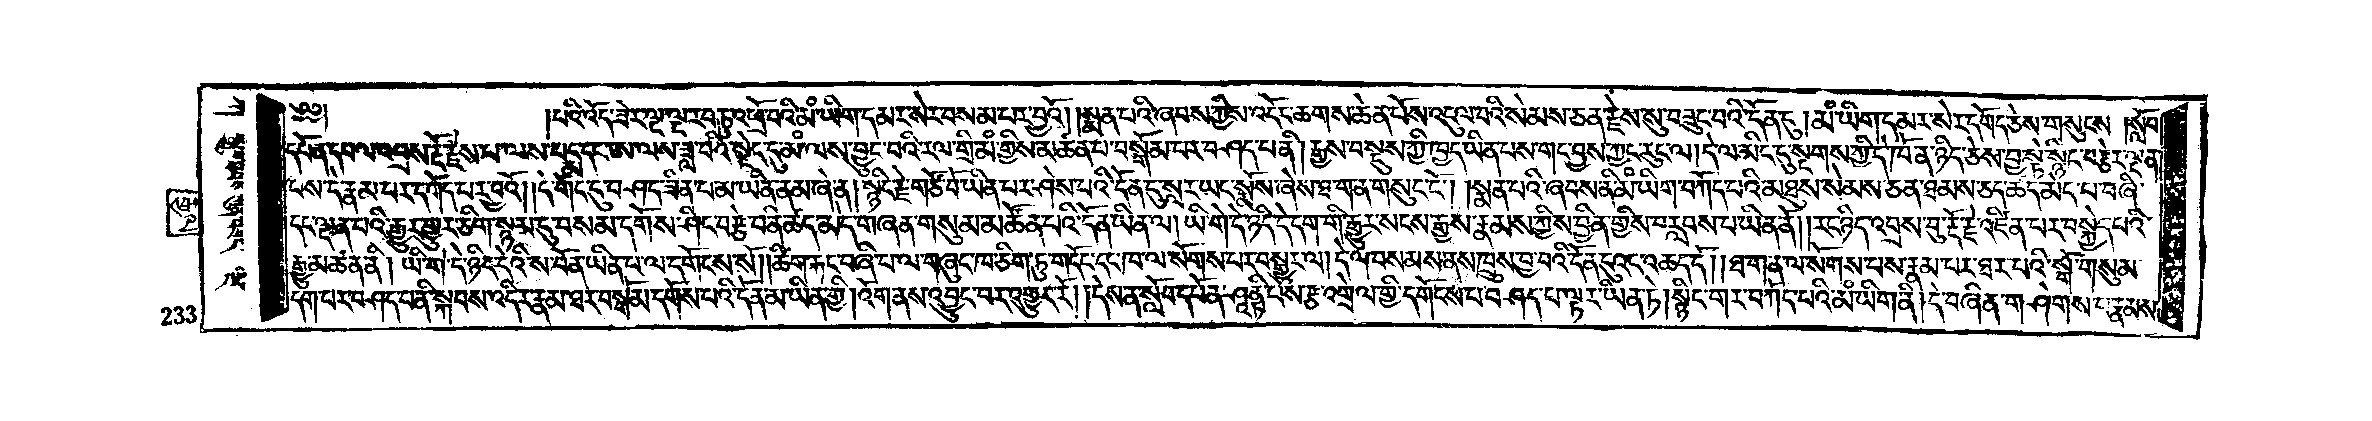༄༅། །པའི་འོད་ཟེར་ལྔ་ལྔ་རབ་ཏུ་འཕྲོ་བའི་མཾ་ཡིག་དམར་སེར་བསམ་པར་བྱའོ། །སྨན་པའི་ཞབས་ཀྱིས་འདོད་ཆགས་ཆེན་པོས་འདུལ་བའི་སེམས་ཅན་རྗེས་སུ་བཟུང་བའི་དོན་དུ། མཾ་ཡིག་དམར་སེར་དགོད་ཅེས་གསུངས། །སློབ་
དཔོན་དཔལ་འབྲས་རྡོ་རྗེས་པ་ལས་པདམ་དང་ཨ་ལས་ཟླ་བའི་སྔེད་དུ་མཾ་ལས་བྱུང་བའི་རལ་གྲི་མཾ་གྱིས་མཚན་པ་བསྒོམ་པར་བཤད་པ་ནི། རྒྱས་བསྡུས་ཀྱི་ཁྱད་ཡིན་པས་གང་བྱས་ཀྱང་རུང་ལ། དེ་ལ་མིང་དུ་སྔགས་ཀྱི་དེ་ཁོ་ན་ཉིད་ཅེས་བྱ་སྟེ་སྙིང་བརྩེར་ལྡན་
པས་དེ་རྣམ་པར་དགོད་པར་བྱའོ། །དེ་གོང་དུ་བཤད་ཟིན་པ་མ་ཡིན་ནམ་ཞེ་ན། སྙིང་རྗེ་གཙོ་བོ་ཡིན་པར་ཤེས་པའི་དོན་དུ་སླར་ཡང་སྨོས་ཞེས་ཐ་ག་ལ་གསུང་ངོ། །སྨིན་པའི་ཞབས་ནི་མཾ་ཡིག་བཀོད་པའི་མཐུས་སེམས་ཅན་ཐམས་ཅད་ཚད་མེད་པ་བཞི་
དང་ལྡན་པའི་རྒྱུར་གྱུར་ཅིག་སྙམ་དུ་བསམ་དགོས་ཤིང་བརྩེ་བ་ནི་ཚད་མེད་གཞན་གསུམ་མཚོན་པའི་དོན་ཡིན་ལ། ཡི་གེ་དེ་ཉིད་དེ་དག་གི་རྒྱུར་སངས་རྒྱས་རྣམས་ཀྱིས་བྱིན་གྱིས་བརླབས་པ་ཡིན་ནོ། །རང་ཉིད་འབྲས་བུ་རྡོ་རྗེ་འཛིན་པར་བསྐྱེད་པའི་
རྒྱུ་མཚན་ནི། ཡི་གེ་དེ་ཉིད་དེའི་ས་བོན་ཡིན་པ་ལ་དགོངས་སོ། །ཚིག་རྐང་བཞི་པ་ལ་གཞུང་ཁ་ཅིག་ཏུ་གདོང་དང་ཁ་ལ་སོགས་པར་བསྒྱུར་ལ། དེ་ལ་བསམས་ནས་ཁྲུས་བྱ་བའི་དོན་དུའང་འཆད་དོ། །ཐ་ག་ན་ལ་སོགས་པས་རྣམ་པར་ཐར་པའི་སྒོ་གསུམ་
དག་པར་བཤད་པ་ནི་སྐབས་འདིར་རྣམ་ཐར་བསྒོམ་དགོས་པའི་དོན་མ་ཡིན་གྱི། འོག་ནས་འབྱུང་བར་འགྱུར་རོ། །དེས་ན་སློབ་དཔོན་ཤཱནཏི་པས་རྩ་འགྲེལ་གྱི་དགོངས་པ་བཤད་པ་ལྟར་ཡིན་ཏེ། སྙིང་གར་བཀོད་པའི་མཾ་ཡིག་ནི། དེ་བཞིན་གཤེགས་པ་རྣམས་